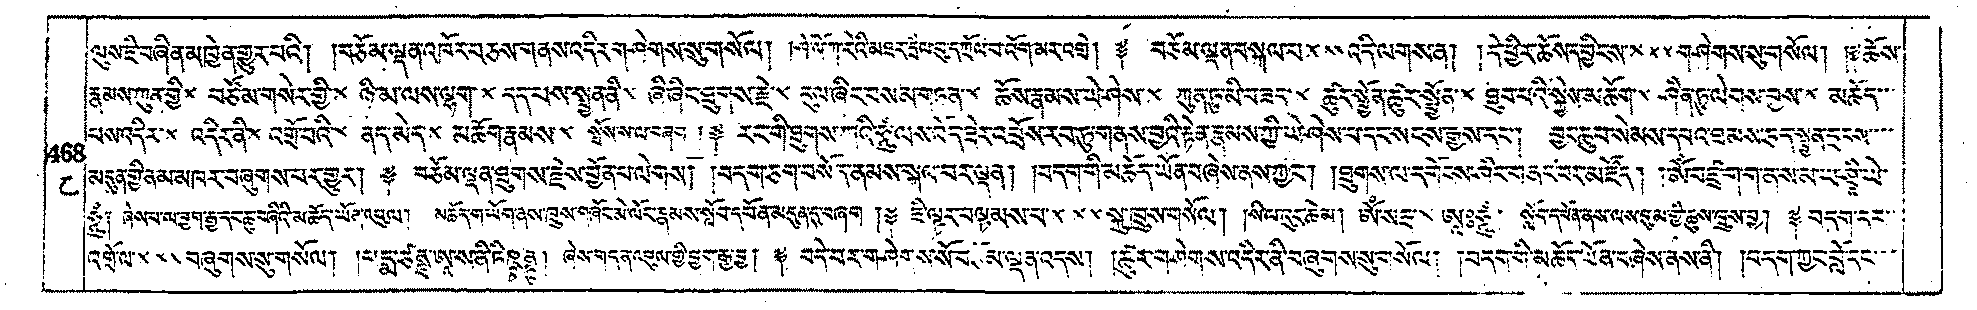ལུས་ཇི་བཞིན་མཁྱེན་གྱུར་པའི། །བཅོམ་ལྡན་འཁོར་བཅས་གནས་འདིར་གཤེགས་སུ་གསོལ། །ཤོ་ལོ་ཀ་རེའི་མཐར་དྲིལ་བུ་དཀྲོལ་བ་འོག་མར་འགྲེ།  འ་བཅོམ་ལྡན་བསྐལ་པ་྾་྾་྾་འདི་ལགས་ན། །དེ་ཕྱིར་ཆོས་དབྱིངས་྾་྾་྾་གཤེགས་སུ་གསོལ། །འ་ཆོས་
རྣམས་ཀུན་གྱི་྾་བཙོམ་གསེར་གྱི་྾་ཉི་མ་ལས་ལྷག་྾་དད་པས་སྤྱན་ནི་྾་ཞི་ཞིང་ཐུགས་རྗེ་྾་དུལ་ཞིང་བསམ་གཏན་྾་ཆོས་རྣམས་ཡེ་ཤེས་྾་ཀུན་ཏུ་མི་བཟང་྾་ཚུར་སྤྱོན་ཚུར་སྤྱོན་྾་ཐུབ་པའི་སྐྱེས་མཆོག་྾་ཤིན་ཏུ་ལེགས་བྱས་྾་མཆོད་
པས་འདིར་྾་འདིར་ནི་྾་འགྲོ་བའི་྾་ནད་མེད་྾་མཆོག་རྣམས་྾་སྤོས་ས་ལ་བཞག་། འ་རང་གི་ཐུགས་ཀའི་ཧཱུཾ་ལས་འོད་ཟེར་འཕྲོས་རབ་ཏུ་གནས་བྱའི་རྟེན་རྣམས་ཀྱི་ཡེ་ཤེས་པ་དང་སངས་རྒྱས་དང་། བྱང་ཆུབ་སེམས་དཔའ་ཐམས་ཅད་སྤྱན་དྲངས་
མདུན་གྱི་ནམ་མཁར་བཞུགས་པར་གྱུར། འ་བཅོམ་ལྡན་ཐུགས་རྗེས་བྱོན་པ་ལེགས། །བདག་ཅག་བསོད་ནམས་སྐལ་བར་ལྡན། །བདག་གི་མཆོད་ཡོན་བཞེས་ནས་ཀྱང་། །ཐུགས་ལ་དགོངས་ཤིང་གནང་བར་མཛོད། །ཨོཾ་བཛྲ་ག་ག་ན་ས་མ་ཡ་ཤྲཱི་ཡེ་
ཧཱུཾ༑ ཞེས་པ་ལ་ཕྱག་རྒྱ་དང་ཆུ་བཞིའི་མཆོད་ཡོན་འབུལ། མཆོད་གཡོག་ནས་ཁྲུས་གཞོང་མེ་ལོང་རྣམས་སློབ་དཔོན་མདུན་དུ་བཞག་། འ་ཇི་ལྟར་བལྟམས་པ་྾་྾་྾་སྐུ་ཁྲུས་གསོལ། །སིལ་འུར་ཆེམ།  ཨོཾ་སརྦ་྾་ཨཱཿཧཱུཾ། སློབ་དཔོན་ནས་ལས་བུམ་གྱི་ཆུས་ཁྲུས་བྱ།  འ་བདག་དང་
འགྲོ་ལ་྾་྾་྾་བཞུགས་སུ་གསོལ། །པདམ་ཙནྡྲ་ཨཱ་ས་ནི་ཏིཥཊཿཨནྟུ། ཞེས་གདན་འབུལ་གྱི་ཕྱག་རྒྱ་བྱ།  འ་བདེ་བར་གཤེགས་སོ་བཅོམ་ལྡན་འདས། །ཚུར་གཤེགས་འདིར་ནི་བཞུགས་སུ་གསོལ། །བདག་གི་མཆོད་ཡོན་བཞེས་ནས་ནི། །བདག་ཀྱང་བློ་དང་